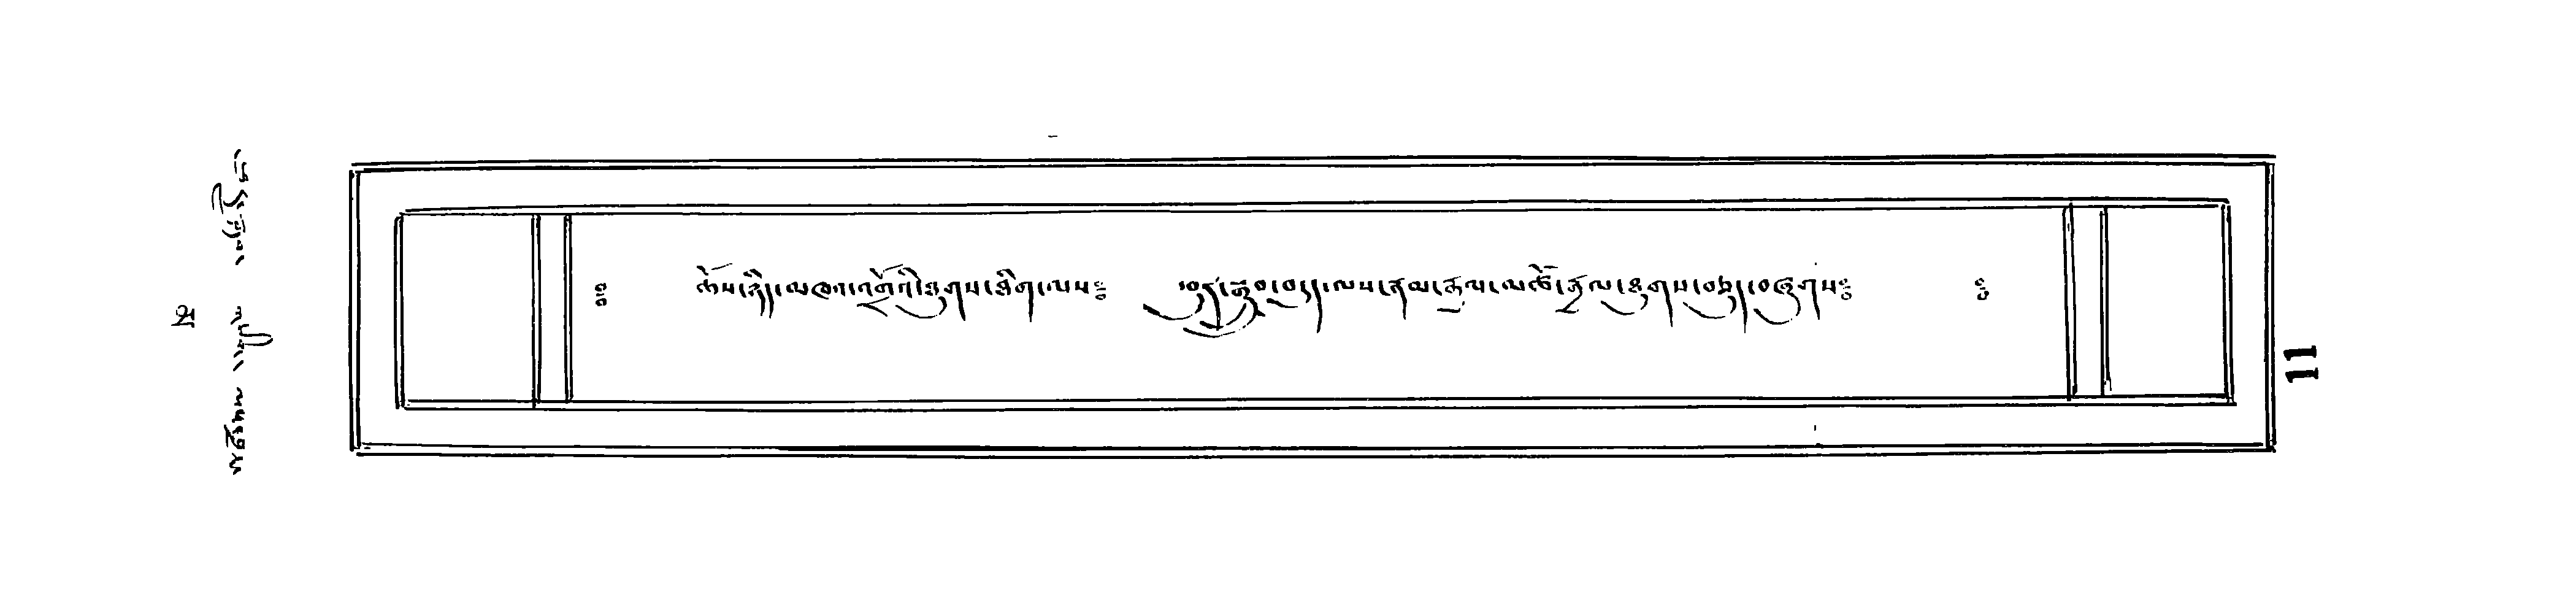ཆོས་ཉིད་མཁའ་འགྲོའི་ཐུགས་ཐིག་ལས༔ ཕུར་སྒྲུབ་བདུད་ལས་རྣམ་རྒྱལ་མཚོ་རྒྱལ་ཐུགས་བཅུད་བཞུགས༔